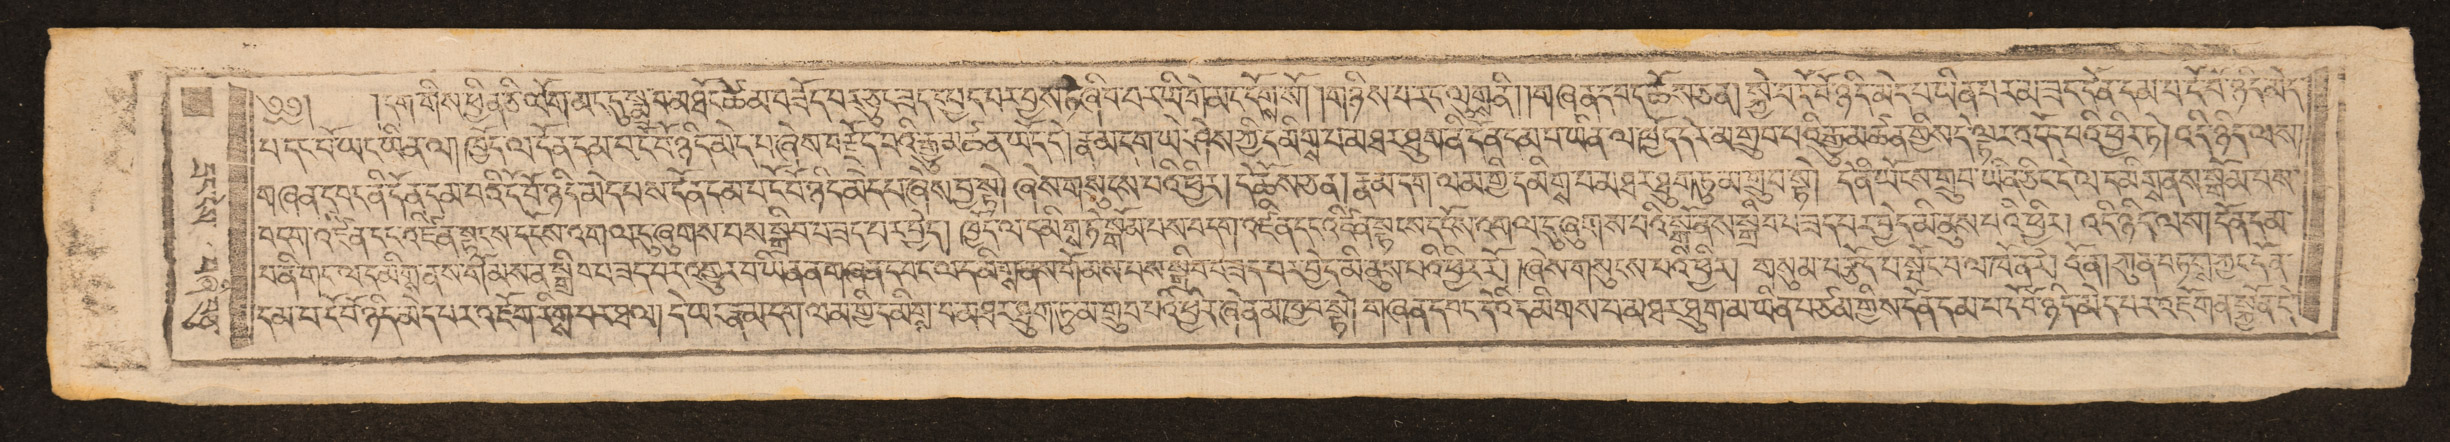༄༅། །དག་གིས་ཕྱིན་ཅི་ལོག་མང་དུ་སྨྲ་བ་མཐོང་ཚེམ་བཟོད་པར་ཅུང་ཟད་དཔྱད་པར་བྱས་ཏེ་ཞིབ་པར་ཡི་གེ་མང་དོགས་སོ། །གཉིས་པ་རང་ལུགས་ནི། །གཞན་དབང་ཆོས་ཅན། སྐྱེ་བ་ངོ་བོ་ཉིད་མེད་པ་ཡིན་པར་མ་ཟད་དོན་དམ་པ་ངོ་བོ་ཉིད་མེད་
པ་དང་པོ་ཡང་ཡིན་ལ། ཁྱོད་ལ་དོན་དམ་པ་ངོ་བོ་ཉིད་མེད་པ་ཞེས་བརྗོད་པའི་རྒྱུ་མཚན་ཡོད་དེ། རྣམ་དག་ཡེ་ཤེས་ཀྱི་དམིགས་པ་མཐར་ཐུག་ནི་དོན་དམ་པ་ཡིན་ལ་ཁྱོད་དེར་མ་གྲུབ་པའི་རྒྱུ་མཚན་གྱིས་དེ་ལྟར་འདོད་པའི་ཕྱིར་ཏེ། འདི་ཉིད་ལས།
གཞན་དབང་ནི་དོན་དམ་པའི་ངོ་བོ་ཉིད་མེད་པས་དོན་དམ་པ་ངོ་བོ་ཉིད་མེད་པ་ཞེས་བྱ་སྟེ། ཞེས་གསུངས་པའི་ཕྱིར། དེ་ཆོས་ཅན། རྣམ་དག་ལམ་གྱི་དམིགས་པ་མཐར་ཐུག་ཏུ་མ་གྲུབ་སྟེ། དེ་ནི་ཡོངས་གྲུབ་ཡིན་ཅིང་དེ་ལ་དམིགས་ནས་སྒོམ་པས་
བདག་འཛིན་དང་འཛིན་སྟངས་དངོས་འགལ་དུ་ཞུགས་པས་སྒྲིབ་པ་ཟད་པར་བྱེད། ཁྱོད་ལ་དམིགས་ཏེ་སྒོམ་པས་བདག་འཛིན་དང་འཛིན་སྟངས་དངོས་འགལ་དུ་ཞུགས་པའི་སྒོ་ནས་སྒྲིབ་པ་ཟད་པར་བྱེད་མི་ནུས་པའི་ཕྱིར། འདི་ཉིད་ལས། དོན་དམ་
པ་ནི་གང་ལ་དམིགས་ནས་གོམས་ན་སྒྲིབ་པ་ཟད་པར་འགྱུར་བ་ཡིན་ན་གཞན་དབང་ལ་དམིགས་ནས་གོམས་པས་སྒྲིབ་པ་ཟད་པར་བྱེད་མི་ནུས་པའི་ཕྱིར་རོ། །ཞེས་གསུངས་པའི་ཕྱིར། གསུམ་པ་རྩོད་པ་སྤོང་བ་ལ་ཁོ་ན་རེ། འོ་ན། ཀུན་བཏགས་ཀྱང་དོན་
དམ་པ་ངོ་བོ་ཉིད་མེད་པར་འཇོག་རིགས་པར་ཐལ། དེ་ཡང་རྣམ་དག་ལམ་གྱི་དམིགས་པ་མཐར་ཐུག་ཏུ་མ་གྲུབ་པའི་ཕྱིར་ཞེ་ན་མ་ཁྱབ་སྟེ། གཞན་དབང་དེའི་དམིགས་པ་མཐར་ཐུག་མ་ཡིན་པ་ཙམ་གྱིས་དོན་དམ་པ་ངོ་བོ་ཉིད་མེད་པར་འཇོག་ན་སྐྱོན་དེ་